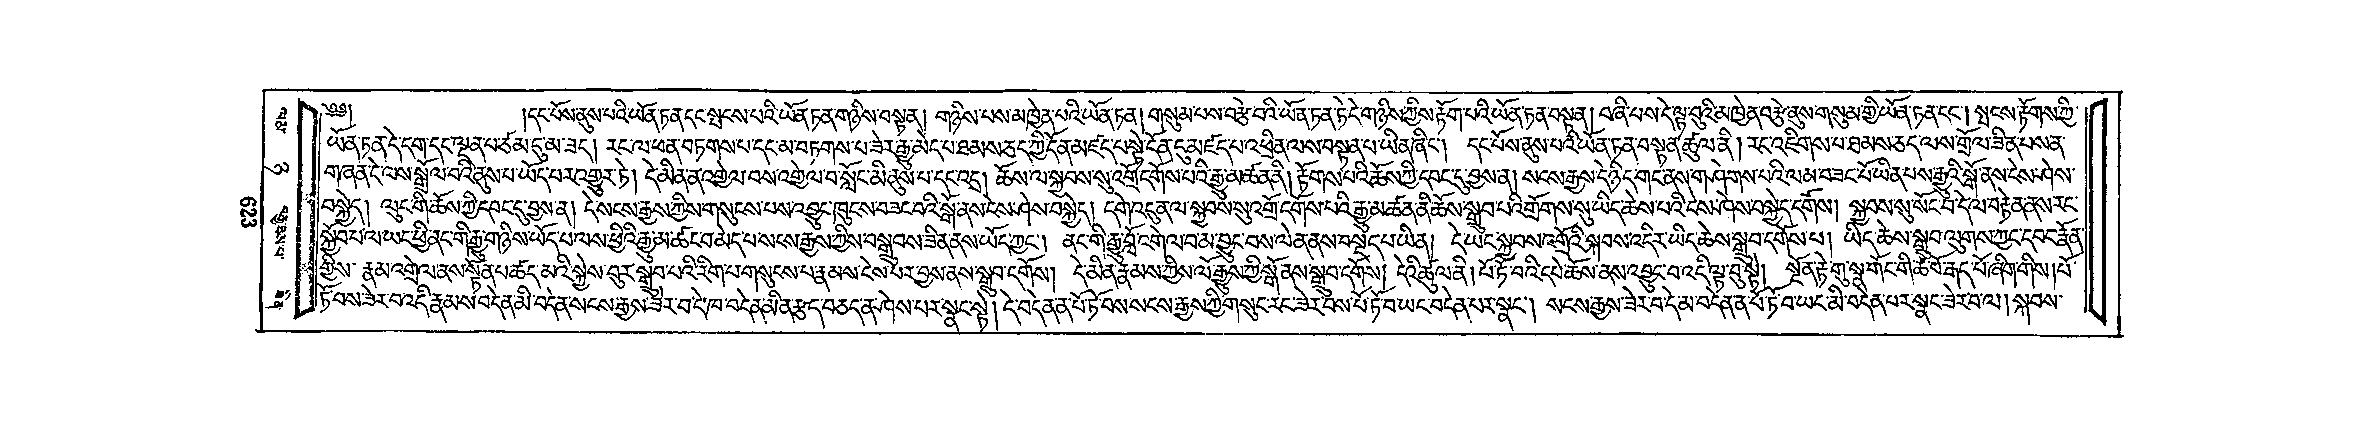༄༅། །དང་པོས་ནུས་པའི་ཡོན་ཏན་དང་སྤངས་པའི་ཡོན་ཏན་གཉིས་བསྟན། གཉིས་པས་མཁྱེན་པའི་ཡོན་ཏན། གསུམ་པས་བརྩེ་བའི་ཡོན་ཏན་ཏེ་དེ་གཉིས་ཀྱིས་རྟོག་པའི་ཡོན་ཏན་བསྟན། བཞི་པས་དེ་ལྟ་བུའི་མཁྱེན་བརྩེ་ནུས་གསུམ་གྱི་ཡོན་ཏན་དང་། སྤངས་རྟོགས་ཀྱི་
ཡོན་ཏན་དེ་དག་དང་ལྡན་པ་ཙམ་དུ་མ་ཟད། རང་ལ་ཕན་བཏགས་པ་དང་མ་བཏགས་པ་ཟེར་རྒྱུ་མེད་པ་ཐམས་ཅད་ཀྱི་དོན་མཛད་པ་སྟེ་དོན་དུ་མཛད་པ་འཕྲིན་ལས་བསྟན་པ་ཡིན་ཞིང་། དང་པོས་ནུས་པའི་ཡོན་ཏན་བསྟན་ཚུལ་ནི། རང་འཇིགས་པ་ཐམས་ཅད་ལས་གྲོལ་ཟིན་པས་ན་
གཞན་དེ་ལས་སྒྲོལ་བའི་ནུས་པ་ཡོད་པར་འགྱུར་ཏེ། དེ་མིན་ན་འགྱེལ་བས་འགྱེལ་བ་སློང་མི་ནུས་པ་དང་འདྲ། ཆོས་ལ་སྐྱབས་སུ་འགྲོ་དགོས་པའི་རྒྱུ་མཚན་ནི། རྟོགས་པའི་ཆོས་ཀྱི་དབང་དུ་བྱས་ན། སངས་རྒྱས་དེ་ཉིད་གང་ནས་གཤེགས་པའི་ལམ་བཟང་པོ་ཡིན་པས་རྒྱུའི་སྒོ་ནས་ངེས་ཤེས་
བསྐྱེད། ལུང་གི་ཆོས་ཀྱི་དབང་དུ་བྱས་ན། དེ་སངས་རྒྱས་ཀྱིས་གསུངས་པས་འབྱུང་ཁུངས་བཟང་བའི་སྒོ་ནས་ངེས་ཤེས་བསྐྱེད། དགེ་འདུན་ལ་སྐྱབས་སུ་འགྲོ་དགོས་པའི་རྒྱུ་མཚན་ནི་ཆོས་སྒྲུབ་པའི་གྲོགས་སུ་ཡིད་ཆེས་པའི་ངེས་ཤེས་བསྐྱེད་དགོས། སྐྱབས་སུ་སོང་བ་དེ་ལ་བརྟེན་ནས་རང་
སྐྱོབ་པ་ལ་ཡང་ཕྱི་ནང་གི་རྒྱུ་གཉིས་ཡོད་པ་ལས་ཕྱིའི་རྒྱུ་མ་ཚང་བ་མེད་པ་སངས་རྒྱས་ཀྱིས་བསྒྲུབས་ཟིན་ནས་ཡོད་ཀྱང་། ནང་གི་རྒྱུ་བློ་འགེལ་བ་མ་བྱུང་བས་ལེན་ནས་བསྡད་པ་ཡིན། དེ་ཡང་སྐྱབས་འགྲོའི་སྐབས་འདིར་ཡིད་ཆེས་སྒྲུབ་དགོས་པ། ཡིད་ཆེས་སྒྲུབ་ལུགས་ཀྱང་དབང་རྣོན་
གྱིས་རྣམ་འགྲེལ་ནས་སྟོན་པ་ཚད་མའི་སྐྱེས་བུར་སྒྲུབ་པའི་རིག་པ་གསུངས་པ་རྣམས་ངེས་པར་བྱས་ནས་སྒྲུབ་དགོས། དེ་མིན་རྣམས་ཀྱིས་ལོ་རྒྱུས་ཀྱི་སྒོ་ནས་སྒྲུབ་དགོས། དེའི་ཚུལ་ནི། པོ་ཏོ་བའི་དཔེ་ཆོས་ནས་འབྱུང་བ་འདི་ལྟ་བུ་སྟེ། སྔོན་རྟེ་གུ་སྣ་གོང་གི་ཚ་བོ་རྒད་པོ་ཞིག་གིས། པོ་
ཏོ་བས་ཟེར་བ་འདི་རྣམས་བདེན་མི་བདེན་སངས་རྒྱས་ཟེར་བ་དེ་ཁ་བདེན་མིན་རྩད་བཅད་ན་ཤེས་པར་སྣང་སྟེ། དེ་བདེན་ན་པོ་ཏོ་བས་སངས་རྒྱས་ཀྱི་གསུང་རང་ཟེར་བས་པོ་ཏོ་བ་ཡང་བདེན་པར་སྣང་། སངས་རྒྱས་ཟེར་བ་དེ་མ་བདེན་ན་པོ་ཏོ་བ་ཡང་མི་བདེན་པར་སྣང་ཟེར་བ་ལ། སྐབས་